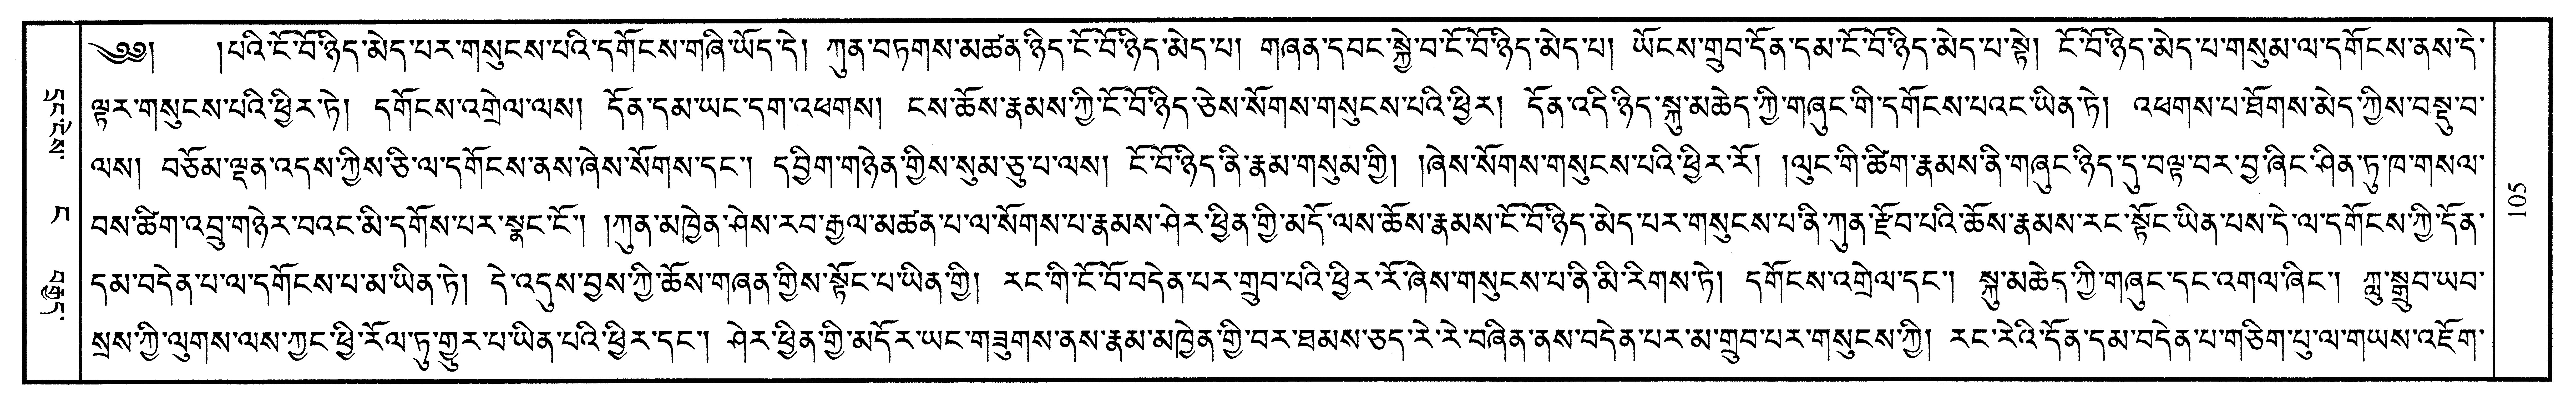༄༅། །པའི་ངོ་བོ་ཉིད་མེད་པར་གསུངས་པའི་དགོངས་གཞི་ཡོད་དེ། ཀུན་བཏགས་མཚན་ཉིད་ངོ་བོ་ཉིད་མེད་པ། གཞན་དབང་སྐྱེ་བ་ངོ་བོ་ཉིད་མེད་པ། ཡོངས་གྲུབ་དོན་དམ་ངོ་བོ་ཉིད་མེད་པ་སྟེ། ངོ་བོ་ཉིད་མེད་པ་གསུམ་ལ་དགོངས་ནས་དེ་
ལྟར་གསུངས་པའི་ཕྱིར་ཏེ། དགོངས་འགྲེལ་ལས། དོན་དམ་ཡང་དག་འཕགས། ངས་ཆོས་རྣམས་ཀྱི་ངོ་བོ་ཉིད་ཅེས་སོགས་གསུངས་པའི་ཕྱིར། དོན་འདི་ཉིད་སྐུ་མཆེད་ཀྱི་གཞུང་གི་དགོངས་པའང་ཡིན་ཏེ། འཕགས་པ་ཐོགས་མེད་ཀྱིས་བསྡུ་བ་
ལས། བཅོམ་ལྡན་འདས་ཀྱིས་ཅི་ལ་དགོངས་ནས་ཞེས་སོགས་དང་། དབྱིག་གཉེན་གྱིས་སུམ་ཅུ་པ་ལས། ངོ་བོ་ཉིད་ནི་རྣམ་གསུམ་གྱི། །ཞེས་སོགས་གསུངས་པའི་ཕྱིར་རོ། །ལུང་གི་ཚིག་རྣམས་ནི་གཞུང་ཉིད་དུ་བལྟ་བར་བྱ་ཞིང་ཤིན་ཏུ་ཁ་གསལ་
བས་ཚིག་འབྲུ་གཉེར་བའང་མི་དགོས་པར་སྣང་ངོ། །ཀུན་མཁྱེན་ཤེས་རབ་རྒྱལ་མཚན་པ་ལ་སོགས་པ་རྣམས་ཤེར་ཕྱིན་གྱི་མདོ་ལས་ཆོས་རྣམས་ངོ་བོ་ཉིད་མེད་པར་གསུངས་པ་ནི་ཀུན་རྫོབ་པའི་ཆོས་རྣམས་རང་སྟོང་ཡིན་པས་དེ་ལ་དགོངས་ཀྱི་དོན་
དམ་བདེན་པ་ལ་དགོངས་པ་མ་ཡིན་ཏེ། དེ་འདུས་བྱས་ཀྱི་ཆོས་གཞན་གྱིས་སྟོང་པ་ཡིན་གྱི། རང་གི་ངོ་བོ་བདེན་པར་གྲུབ་པའི་ཕྱིར་རོ་ཞེས་གསུངས་པ་ནི་མི་རིགས་ཏེ། དགོངས་འགྲེལ་དང་། སྐུ་མཆེད་ཀྱི་གཞུང་དང་འགལ་ཞིང་། ཀླུ་སྒྲུབ་ཡབ་
སྲས་ཀྱི་ལུགས་ལས་ཀྱང་ཕྱི་རོལ་ཏུ་གྱུར་པ་ཡིན་པའི་ཕྱིར་དང་། ཤེར་ཕྱིན་གྱི་མདོར་ཡང་གཟུགས་ནས་རྣམ་མཁྱེན་གྱི་བར་ཐམས་ཅད་རེ་རེ་བཞིན་ནས་བདེན་པར་མ་གྲུབ་པར་གསུངས་ཀྱི། རང་རེའི་དོན་དམ་བདེན་པ་གཅིག་པུ་ལ་གཡས་འཇོག་